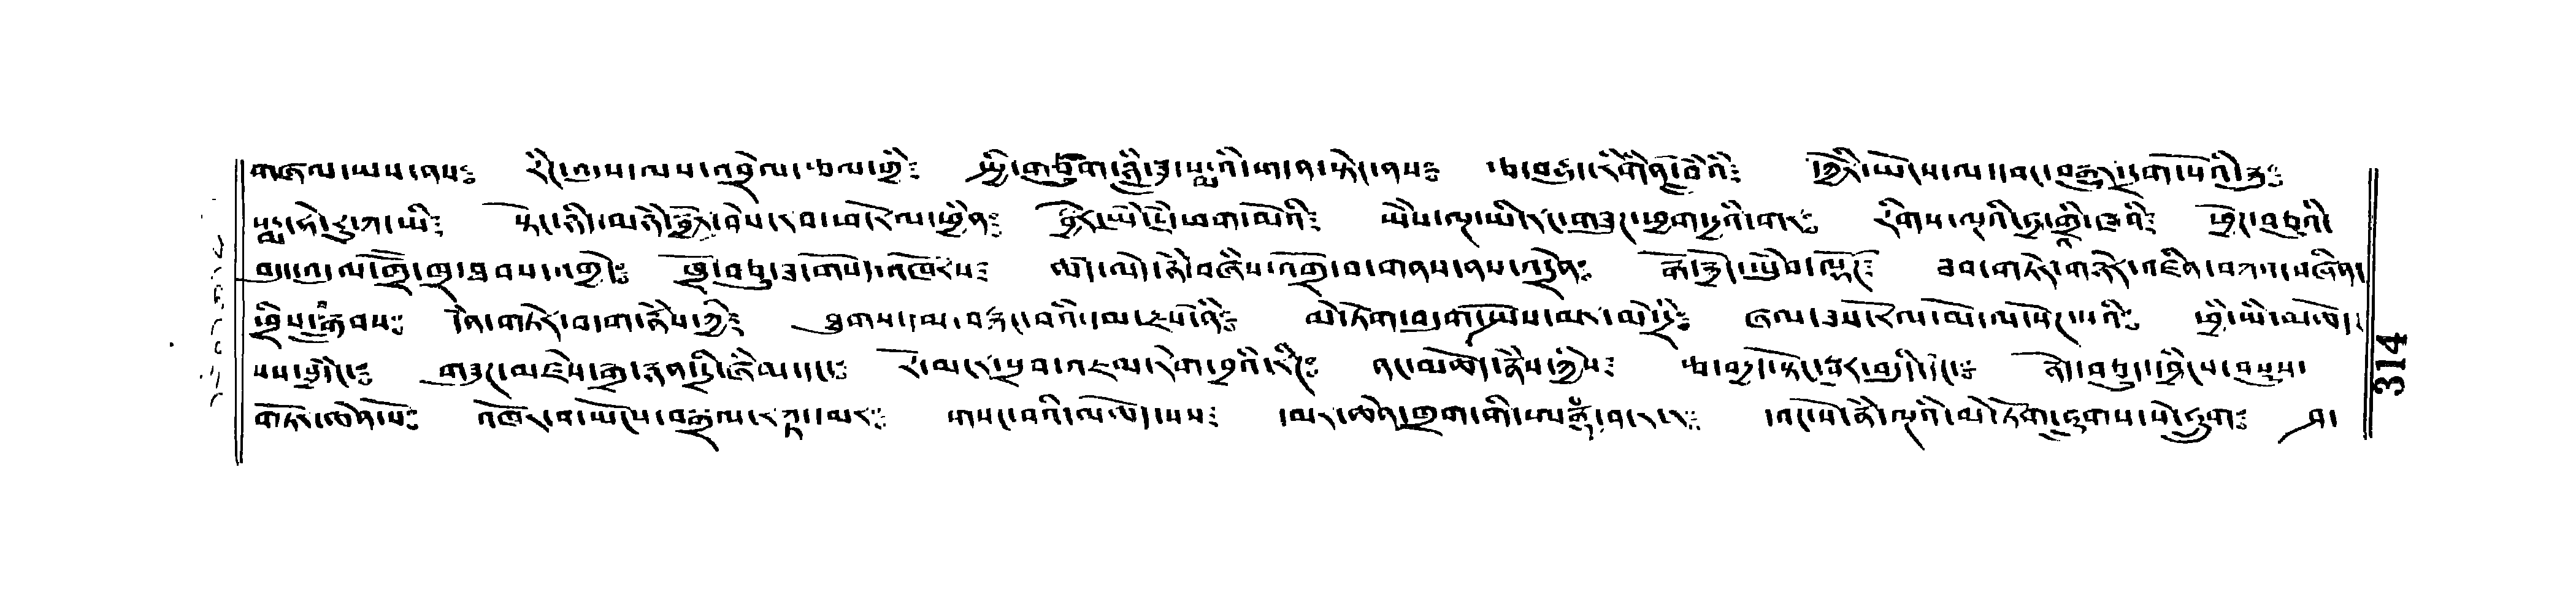གཞལ་ཡས་ནས༔ རིགས་འདུས་ལས་འབྲེལ་རྩལ་གྱི༴ སྤྱི་གཙུག་ཉི་ཟླ་པདྨའི་གདན་སྟེང་ནས༔ རྩ་བརྒྱུད་རིག་འཛིན་བླ་མའི༴ དཀྱིལ་འཁོར་ཡོངས་ལ་དབང་སྒྱུར་དྲག་པོའི་སྐུ༔ 
པདྨ་ཧེ་རུ་ཀ་ཡི༴ སྟོང་ཉིད་མཉམ་སྦྱོར་ཤེས་རབ་ཕ་རོལ་ཕྱིན༔ སྦྱོར་ཡུམ་རྡོ་རྗེ་ཕག་མོའི༴ ཡེ་ཤེས་ལྔ་ཡི་རང་གཟུགས་ཕྱག་རྒྱའི་གར༔ རིགས་ལྔའི་ཧྱ་གྲཱི་ཝའི༴ ཕྱོགས་བཅུའི་
བདུད་འདུལ་ཁྲོ་བོ་ཁྲ་ཐབས་འགྱེད༔ ཁྲོ་བཅུ་ཟ་གསོད་འཁོར་བཅས༴ ཚད་མེད་རྣམ་བཞིས་འགྲོ་བ་གནས་ནས་འདྲེན༔ སྒོ་སྐྱོང་ཡབ་ཡུམ་ལྷ་ཚོགས༴ ཟབ་གཏེར་གཉེར་འཛིན་བཀའ་བཞིན་
ཕྲིན་ལས་བསྒྲུབཿ དམ་ཅན་གཏེར་བདག་རྣམས་ཀྱི༴ ཐུགས་དམ་བསྐང་བའི་དམ་རྫས་ནི༔ མེ་ཏོག་བདུག་སྤོས་མར་མེ་དྲི༔ ཞལ་ཟས་རོལ་མོ་ལ་སོགས་པའི༔ ཕྱི་ཡི་མཆོད་
པས་ཐུགས་དམ་བསྐང༔ གཟུགས་མཛེས་སྒྲ་སྙན་དྲི་ཞིམ་དང༔ རོ་མངར་སྲབ་འཇམ་རེག་བྱའི་རིགས༔ནང་མཆོད་རྣམས་ཀྱིས༴ རྩ་བརྒྱད་སྟོང་སྦྱར་བདུད་རྩི་དང༔ སྣོད་བཅུད་དབྱིངས་བསྡུས་
གཏོར་ཆེན་པོ༔ འཁོར་བ་ཡོངས་བསྒྲལ་རཀྟ་དམར༔ གསང་བའི་མཆོད་པས༴ དམར་ཆེན་ཁྲག་གིས་ཨརྒྷཾ་ཤ་ར་ར༔ དབང་པོ་རྣམ་ལྔའི་མེ་ཏོག་ཧྲུགས་སེ་ཧྲུག༔ ཤ་